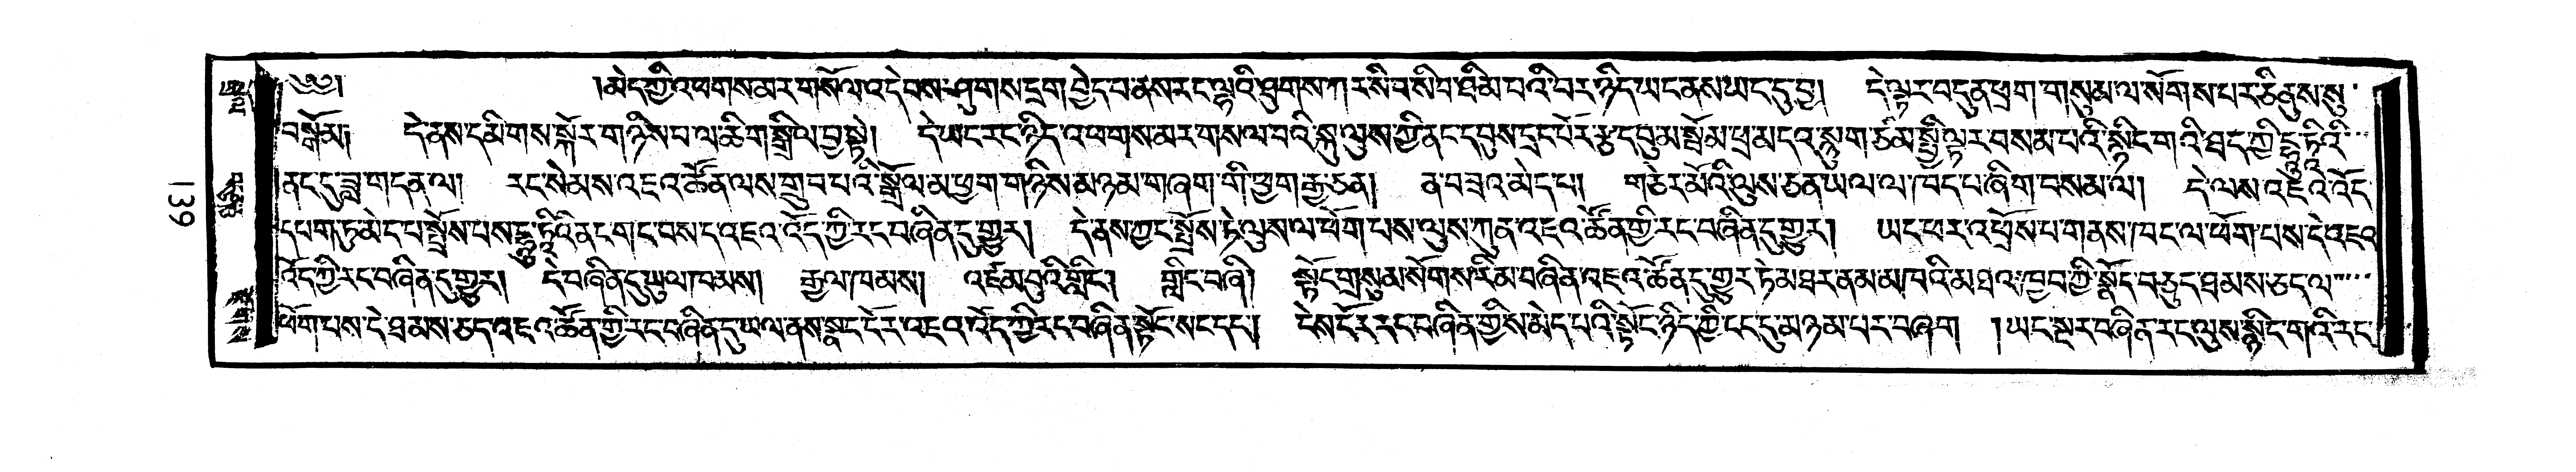༄༅། །མེད་ཀྱི་འཕགས་མར་གསོལ་འདེབས་ཤུགས་དྲག་བྱེད་པ་ནས་རང་ལྷའི་ཐུགས་ཀར་སིབ་སིབ་ཐིམ་བའི་བར་ཉིད་ཡང་ནས་ཡང་དུ་བྱ། དེ་ལྟར་བདུན་ཕྲག་གསུམ་ལ་སོགས་པར་ཅི་ནུས་སུ་
བསྒོམ། དེ་ནས་དམིགས་སྐོར་གཉིས་པ་ལ་ཆིག་དྲིལ་བྱ་སྟེ། དེ་ཡང་རང་ཉིད་འཕགས་མར་གསལ་བའི་སྐུ་ལུས་ཀྱི་ནང་དབུས་དྲང་པོར་རྩ་དབུ་མ་སྦོམ་ཕྲ་མདའ་སྨྱག་ཙམ་སྤྱི་ལྟར་བསམས་པའི་སྙིང་གའི་ཐད་ཀྱི་དྷཱུ་ཏཱིའི་
ནང་དུ་ཟླ་གདན་ལ། རང་སེམས་འཇའ་ཚོན་ལས་གྲུབ་པའི་སྒྲོལ་མ་ཕྱག་གཉིས་མཉམ་གཞག་གི་ཕྱག་རྒྱ་ཅན། ན་བཟའ་མེད་པ། གཅེར་མོའི་ལུས་ཅན་ཡལ་ལ་ཁྱད་པ་ཞིག་བསམས་ལ། དེ་ལས་འཇའ་འོད་
དཔག་ཏུ་མེད་པ་སྤྲོས་པས་དྷཱུ་ཏཱིའི་ནང་གང་བས་དེ་འཇའ་འོད་ཀྱི་རང་བཞིན་དུ་གྱུར། དེ་ནས་ཀྱང་སྤྲོས་ཏེ་ལུས་ལ་ཕོག་པས་ལུས་ཀུན་འཇའ་ཚོན་གྱི་རང་བཞིན་དུ་གྱུར། ཡང་ཕར་འཕྲོས་པ་གནས་ཁང་ལ་ཕོག་པས་དེ་འཇའ་
འོད་ཀྱི་རང་བཞིན་དུ་གྱུར། ད་བཞིན་དུ་ཡུལ་ཁམས། རྒྱལ་ཁམས། འཛམ་བུའི་གླིང་། གླིང་བཞི། སྟོང་གསུམ་སོགས་རིམ་བཞིན་འཇའ་ཚོན་དུ་གྱུར་ཏེ་མཐར་ནམ་མཁའི་མཐའ་ཁྱབ་ཀྱི་སྣོད་བཅུད་ཐམས་ཅད་ལ་
ཕོག་བསད་ཐམས་ཅད་འཇའ་ཚོན་གྱི་རང་བཞིན་དུ་ཡལ་ནས་སྣང་ངོར་འཇའ་འོད་ཀྱི་རང་བཞིན་སྟོང་སང་དང་། ངེས་ངོར་རང་བཞིན་གྱིས་མེད་པའི་སྟོང་ཉིད་ཀྱི་ངང་དུ་མཉམ་པར་བཞག །ཡང་སྔར་བཞིན་རང་ལུས་སྙིང་གའི་རང་